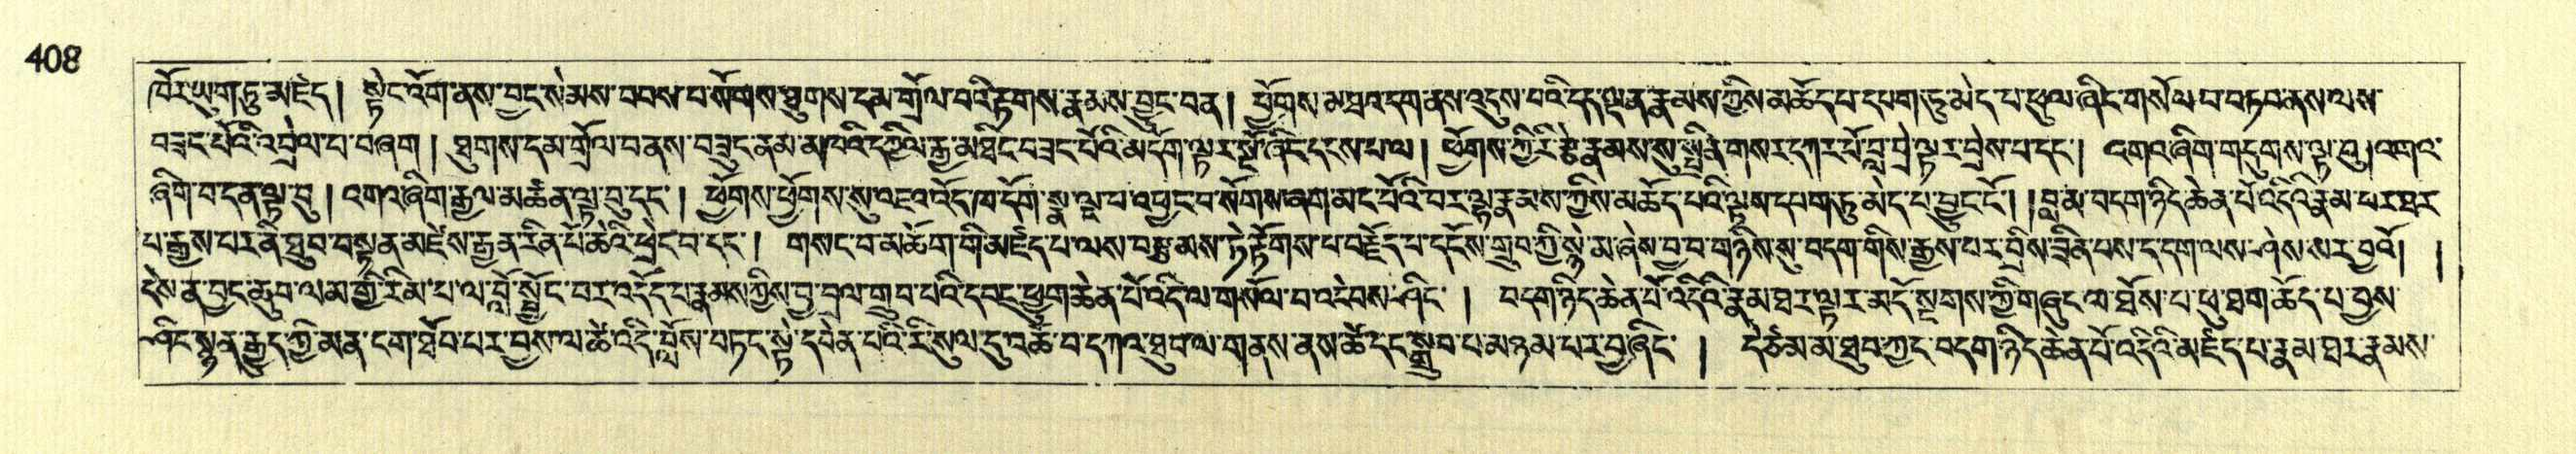ཁོར་ཡུག་ཏུ་མཛད། སྟེང་འོག་ནས་བྱང་སེམས་བབས་པ་སོགས་ཐུགས་དམ་གྲོལ་བའི་རྟགས་རྣམས་བྱུང་བན། ཕྱོགས་མཐའ་དག་ནས་འདུས་པའི་དད་ལྡན་རྣམས་ཀྱིས་མཆོད་པ་དཔག་ཏུ་མེད་པ་ཕུལ་ཞིང་གསོལ་བ་བཏབ་ནས་ལས་
བཟང་པོའི་འབྲེལ་པ་བཞག །ཐུགས་དམ་གྲོལ་བ་ནས་བཟུང་ནམ་མཁའི་དཀྱིལ་རྒྱ་མཐིང་བཟང་པོའི་མདོག་ལྟར་སྔོ་ཞིང་དངས་པ་ལ། ཕྱོགས་ཀྱི་རི་རྩེ་རྣམས་སུ་སྤྲིན་གསར་དཀར་པོ་བླ་བྲེ་ལྟར་བྲེས་པ་དང་། འགའ་ཞིག་གདུགས་ལྟ་བུ། འགའ་
ཞིག་བ་དན་ལྟ་བུ། འགའ་ཞིག་རྒྱལ་མཚན་ལྟ་བུ་དང་། ཕྱོགས་ཕྱོགས་སུ་འཇའ་འོད་ཁ་དོག་སྣ་ལྔ་པ་འཕྱང་བ་སོགས་ཞག་མང་པོའི་བར་ལྷ་རྣམས་ཀྱིས་མཆོད་པའི་ལྟས་དཔག་ཏུ་མེད་པ་བྱུང་ངོ། །བླ་མ་བདག་ཉིད་ཆེན་པོ་འདིའི་རྣམ་པར་ཐར་
པ་རྒྱས་པར་ནི་ཐུབ་བསྟན་མཛེས་རྒྱན་རིན་པོ་ཆེའི་ཕྲེང་བ་དང་། གསང་བ་མཆོག་གི་མཛད་པ་ལས་བརྩམས་ཏེ་རྟོགས་པ་བརྗོད་པ་དངོས་གྲུབ་ཀྱི་སྙེ་མ་ཞེས་བྱ་བ་གཉིས་སུ་བདག་གིས་རྒྱས་པར་བྲིས་ཟིན་པས་ད་དག་ལས་ཤེས་སར་བྱའོ། །
དེས་ན་བྱང་ཆུབ་ལམ་གྱི་རིམ་པ་ལ་བློ་སྦྱོང་བར་འདོད་པ་རྣམས་ཀྱིས་བྱ་བྲལ་གྲུབ་པའི་དབང་ཕྱུག་ཆེན་པོ་འདི་ལ་གསོལ་བ་འདེབས་ཤིང་། བདག་ཉིད་ཆེན་པོ་འདིའི་རྣམ་ཐར་ལྟར་མདོ་སྔགས་ཀྱི་གཞུང་ལ་ཐོས་པ་ཕུ་ཐག་ཆོད་པ་བྱས་
ཤིང་སྙན་རྒྱུད་ཀྱི་མན་ངག་ཐོབ་པར་བྱས་ལ་ཚེ་འདི་བློས་བཏང་སྟེ་དབེན་པའི་རི་སུལ་དུ་འཆོ་བ་དཀའ་ཐུབ་ལ་གནས་ནས་ཚེ་དང་སྒྲུབ་པ་མཉམ་པར་བྱ་ཞིང་། དེ་ཙམ་མ་ཐུབ་ཀྱང་བདག་ཉིད་ཆེན་པོ་འདིའི་མཛད་པ་རྣམ་ཐར་རྣམས་